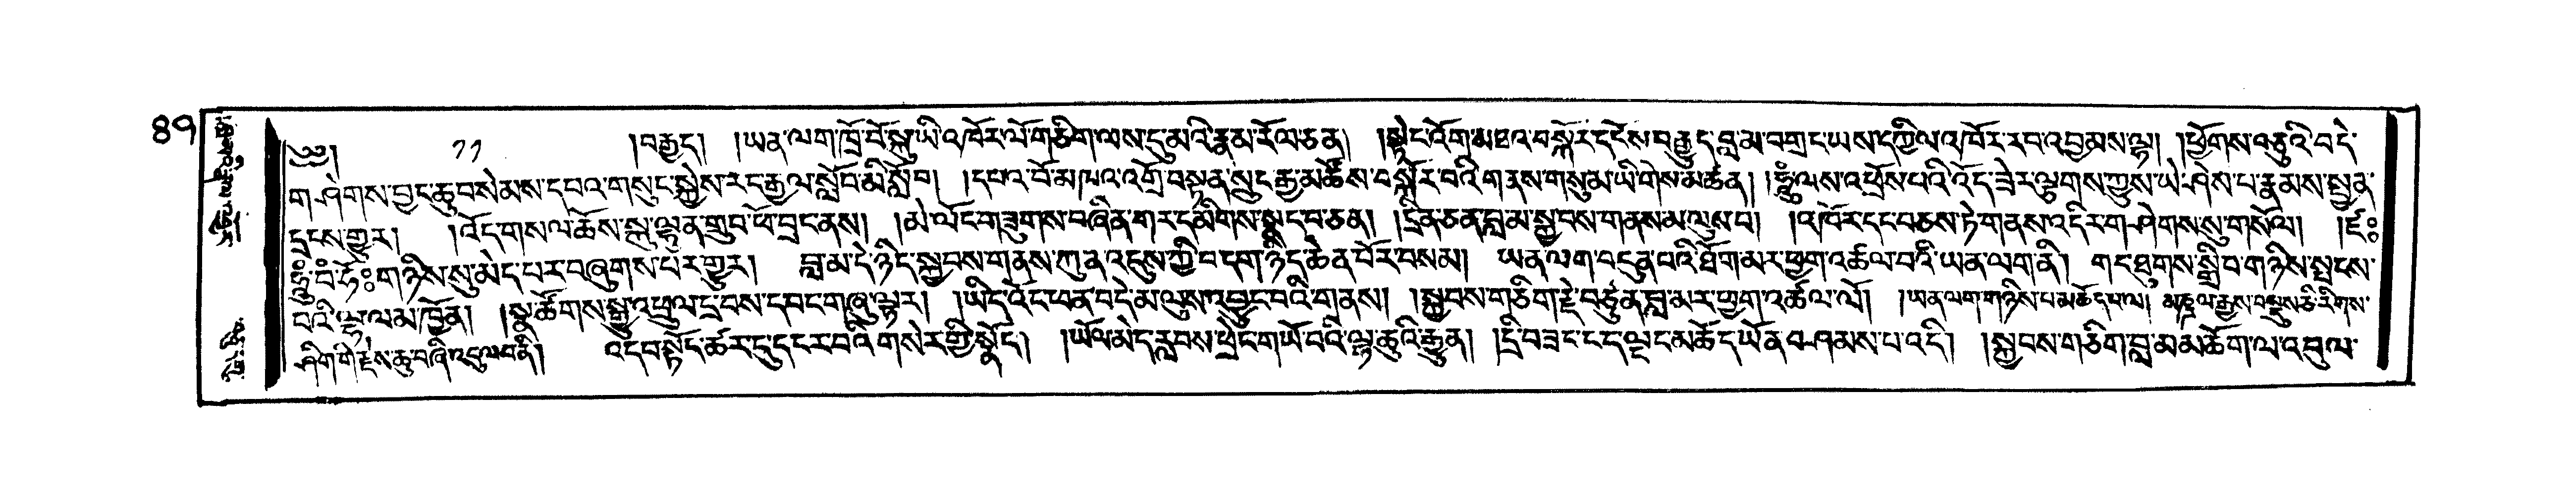༄༅། །བརྒྱད། །ཡན་ལག་ཁྲོ་བོ་སྐུ་ཡི་འཁོར་ལོ་གཅིག་ལས་དུ་མའི་རྣམ་རོལ་ཅན། །སྟེང་འོག་མཐའ་བསྐོར་དངོས་བརྒྱུད་བླ་མ་བགྲང་ཡས་དཀྱིལ་འཁོར་རབ་འབྱམས་ལྷ། །ཕྱོགས་བཅུའི་བདེ་
གཤེགས་བྱང་ཆུབ་སེམས་དཔའ་གསུང་སྐྱེས་རང་རྒྱལ་སློབ་མི་སློབ། །དཔའ་བོ་མཁའ་འགྲོ་བསྟན་སྲུང་རྒྱ་མཚོས་བསྐོར་བའི་གནས་གསུམ་ཡི་གེས་མཚན། །ཧཱུཾ་ལས་འཕྲོས་པའི་འོད་ཟེར་ལྕགས་ཀྱུས་ཡེ་ཤེས་པ་རྣམས་སྤྱན་
དྲངས་གྱུར། །འོད་གསལ་ཆོས་སྐུ་ལྷུན་གྲུབ་ཕོ་བྲང་ནས། །མེ་ལོང་གཟུགས་བཞིན་གར་དམིགས་སྣང་བ་ཅན། །དྲིན་ཅན་བླ་མ་སྐྱབས་གནས་མ་ལུས་པ། །འཁོར་དང་བཅས་ཏེ་གནས་འདིར་གཤེགས་སུ་གསོལ། །ཛཿ
ཧཱུཾ་བཾ་ཧོཿ གཉིས་སུ་མེད་པར་བཞུགས་པར་གྱུར། །བླ་མ་དེ་ཉིད་སྐྱབས་གནས་ཀུན་འདུས་ཀྱི་བདག་ཉིད་ཆེན་པོར་བསམ། ཡན་ལག་བདུན་པའི་ཐོག་མར་ཕྱག་འཚལ་བའི་ཡན་ལག་ནི། གང་ཐུགས་སྒྲིབ་གཉིས་སྤངས་
པའི་ལྷ་ལམ་ཁྱོན། །སྣ་ཚོགས་སྒྱུ་འཕྲུལ་དྲ་བས་དབང་གཞུ་ལྟར། །ཡིད་འོང་ཕན་བདེ་མ་ལུས་འབྱུང་བའི་གནས། །སྐྱབས་གཅིག་རྗེ་བཙུན་བླ་མར་ཕྱག་འཚལ་ལོ། །ཡན་ལག་གཉིས་པ་མཆོད་པ་ལ། མཎ་ཌལ་རྒྱས་བསྡུས་ཅི་རིགས་
ཤིག་གི་རྗེས་ཆུ་བཞི་འདུལ་བ་ནི། འདབ་སྟོང་ཚར་དུ་དངར་བའི་གསེར་གྱི་སྣོད། །ཡོལ་མེད་རླབས་ཕྲེང་གཡོ་བའི་ལྷ་ཆུའི་རྒྱུན། །དྲི་བཟང་ངད་ལྡང་མཆོད་ཡོན་བཤམས་པ་འདི། །སྐྱབས་གཅིག་བླ་མ་མཆོག་ལ་འབུལ་